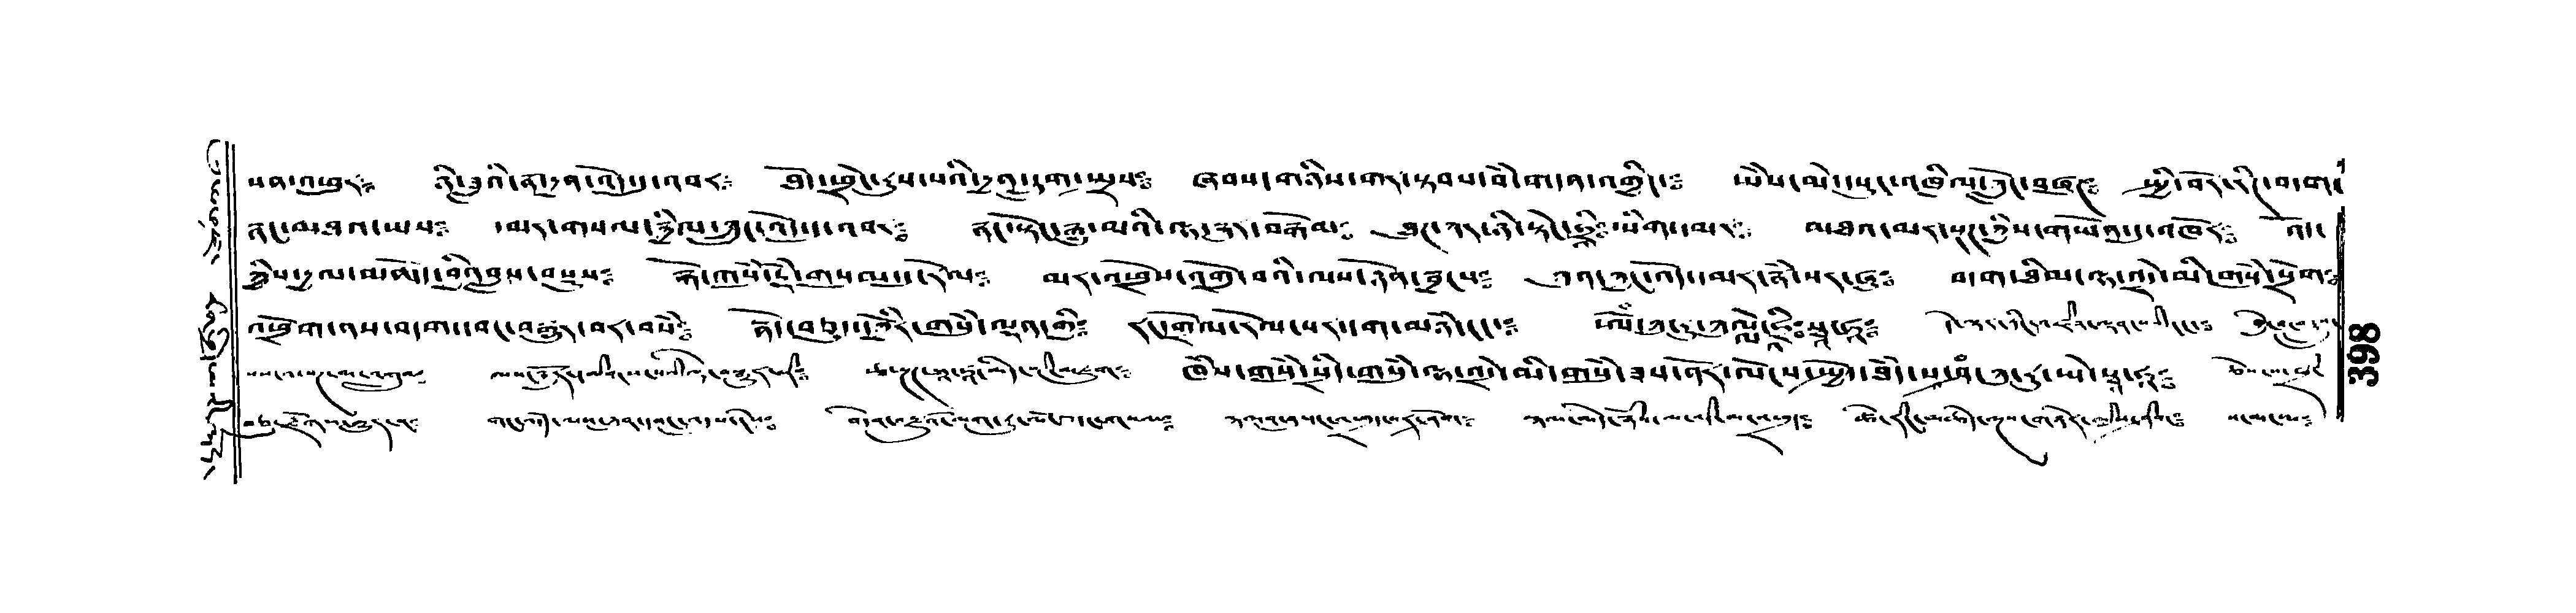པན་འཕུར༔ ཉི་ཟླའི་རྣ་རྒྱན་འོད་དུ་འབར༔ ཐོད་ཕྲེང་རུས་པའི་རྒྱན་དྲུག་སྤྲས༔ ཞབས་གཉིས་གར་སྟབས་བམ་གདན་འགྱིང༔ཡེ་ཤེས་མེ་དཔུང་འཁྱིལ་ཀློང་བཞུགས༔ སྤྱི་བོར་རིགས་བདག་
སྣང་མཐའ་ཡས༔ དམར་གསལ་སྐྱིལ་ཀྲུང་འོད་དུ་འབར༔ སྣང་སྟོང་སྒྱུ་མའི་ལྷ་སྐུར་བསྒོམ༔ ཐུགས་ཀར་ཉི་སྟེང་ཧྲཱིཿཡིག་དམར༔ མཐའ་མར་སྔགས་ཀྱིས་གཡོན་དུ་འཁོར༔ འོད་
ཀྱིས་རྒྱལ་མཆོད་བྱིན་རླབས་བསྡུས༔ སྒོ་གསུམ་རྡོ་རྗེ་གསུམ་དུ་རོལ༔ མར་འཕྲོས་འགྲོ་བའི་ལས་ཉོན་སྦྱངས༔ ཀུན་ཀྱང་འོད་དམར་རྣམ་པར་ཞུ༔ བདག་ཐིམ་ལྷ་འདྲེ་མི་གསུམ་སྲོག༔ 
འཕྲོགས་ནས་བདག་དབང་བསྒྱུར་བར་བསམ༔ སྣོད་བཅུད་དཀྱིལ་འཁོར་གསུམ་ལྡན་གྱི༔ རང་གྲོལ་རོལ་པར་དག་མཉམ་ངང༔ ཨོཾ་ཀུ་རུ་ཀུལླེ་ཧྲཱིཿསྭཱ་ཧཱཿ དེ་ལྟར་ཏིང་འཛིན་ལྡན་པའི་ངང༔ བྱེ་བ་བཟླས་
པས་འཕགས་མ་འགྲུབ༔ ལས་སྦྱོར་དམིགས་པའི་ལྡེ་བསྒྱུར་ནི༔ རྩ་སྔགས་སྭཱ་ཧཱ་མེད་པའི་མཇུག༔ ཁམས་གསུམ་སྲིད་གསུམ་ལྷ་འདྲེ་མི་གསུམ་ཟས་ནོར་ལོངས་སྤྱོད་ཐམས་ཅད་པཱ་ཤཾ་ཀུ་རུ་ཡེ་སྭཱ་ཧཱཿ ཅེས་པ་ཁྲི་
བཅུ་རྗོགས་གྱུར་ན༔ གང་འདོད་ལས་ཀུན་དབང་འདུས་ངེས༔ བདེན་བརྫུན་ལག་ཏུ་ལོངས་དང་གསལ༔ སྐལ་ལྡན་བུ་དང་འཕྲད་པར་ཤོག༔ སྐལ་མེད་རྣམས་ལ་འདི་མ་འཕྲད༔ ཚེ་རིང་མཆེད་ལྔས་གཉེར་གྱིས་ཤིག༔ ས་མ་ཡ༔